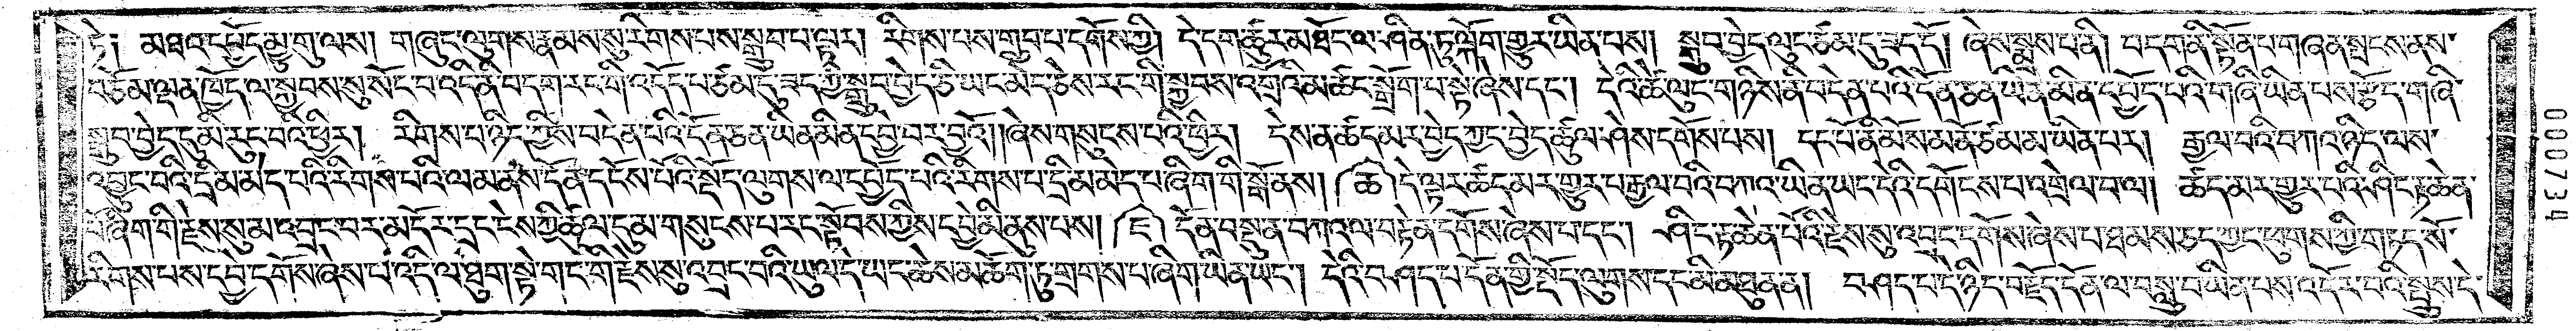ཏེ། མཐའ་དཔྱོད་མྱུ་གུ་ལས། གཞུང་ལུགས་རྣམས་སུ་རིགས་པས་སྒྲུབ་པ་ལྟར། རིགས་པས་གྲུབ་པ་དགོས་ཀྱི། དེ་དག་ཚུར་མཐོང་ལ་ཤིན་ཏུ་ལྐོག་གྱུར་ཡིན་པས། སྒྲུབ་བྱེད་ལུང་ཙམ་དུ་ཟད་དོ། ཞེས་སྨྲས་པ་ནི། བདག་ནི་སྟོན་པ་གཞན་སྤངས་ནས་
བཅོམ་ལྡན་ཁྱོད་ལ་སྐྱབས་སུ་སོང་བ་འདི་ནི་བདག་རང་གི་འདོད་པ་ཙམ་དུ་ཟད་ཀྱི་སྒྲུབ་བྱེད་ཅི་ཡང་མེད་ཅེས་རང་གི་སྐྱབས་འགྲོའི་མཚང་སྒྲོག་པ་སྟེ་ཞེས་དང་། དེའི་ཚེ་ལུང་གཉིས་ནི་བདེན་པའི་དོན་ཅན་ཡིན་མིན་དཔྱོད་པའི་གཞི་ཡིན་པས་རྩོད་གཞི་
སྒྲུབ་བྱེད་དུ་མི་རུང་བའི་ཕྱིར། རིགས་པ་ཉིད་ཀྱིས་བདེན་པའི་དོན་ཅན་ཡིན་མིན་དབྱེ་བར་བྱའོ། །ཞེས་གསུངས་པའི་ཕྱིར། དེས་ན་ཚད་མར་བྱེད་ཀྱང་བྱེད་ཚུལ་ཤེས་དགོས་པས། དང་པོ་ནི་མོས་མནོ་ཙམ་མ་ཡིན་པར། རྒྱལ་བའི་བཀའ་ཉིད་ལས་
འབྱུང་བའི་དྲི་མ་མེད་པའི་རིགས་པའི་ལམ་ནས་དོན་དངོས་པོའི་སྡོད་ལུགས་ལ་དཔྱོད་པའི་རིགས་པ་དྲི་མ་མེད་པ་ཞིག་གི་སྒོ་ནས། ༼ཆ༽ དེ་ལྟར་ཚད་མར་གྱུར་པ་རྒྱལ་བའི་བཀའ་ཡིན་ཡང་དེའི་དགོངས་པ་འགྲེལ་བ་ལ། ཚད་མར་གྱུར་པའི་ཤིང་རྟ་ཆེན་
པོ་ཞིག་གི་རྗེས་སུ་མ་འབྲང་བར་མདོར་དྲང་ངེས་ཀྱི་ཚུལ་དུ་མ་གསུངས་པ་རང་སྟོབས་ཀྱིས་དབྱེ་མི་ནུས་པས། ༼ཇ༽ དོན་བསྡུ་ན་བཀའ་ལ་བརྟེན་དགོས་ཞེས་པ་དང་། ཤིང་རྟ་ཆེན་པོའི་རྗེས་སུ་འབྲང་དགོས་ཞེས་པ་ཐམས་ཅད་ཀྱང་ཕུགས་ཀྱི་གཏད་སོ་
རིགས་པས་དབྱེ་དགོས་ཞེས་པ་འདི་ལ་ཐུག་སྟེ་གང་གི་རྗེས་སུ་འབྲང་བའི་ཡུལ་དེ་ཡང་ཆེས་མཆོག་ཏུ་གྲགས་པ་ཞིག་ཡིན་ཡང་། དེའི་བཤད་པ་དོན་གྱི་སྡོད་ལུགས་དང་མི་མཐུན་ན། བཤད་པ་དེ་ཉིད་བརྗོད་དོན་ལ་བསླུ་བ་ཡིན་པས་འདོར་བའི་སྤྲུས་དེ་